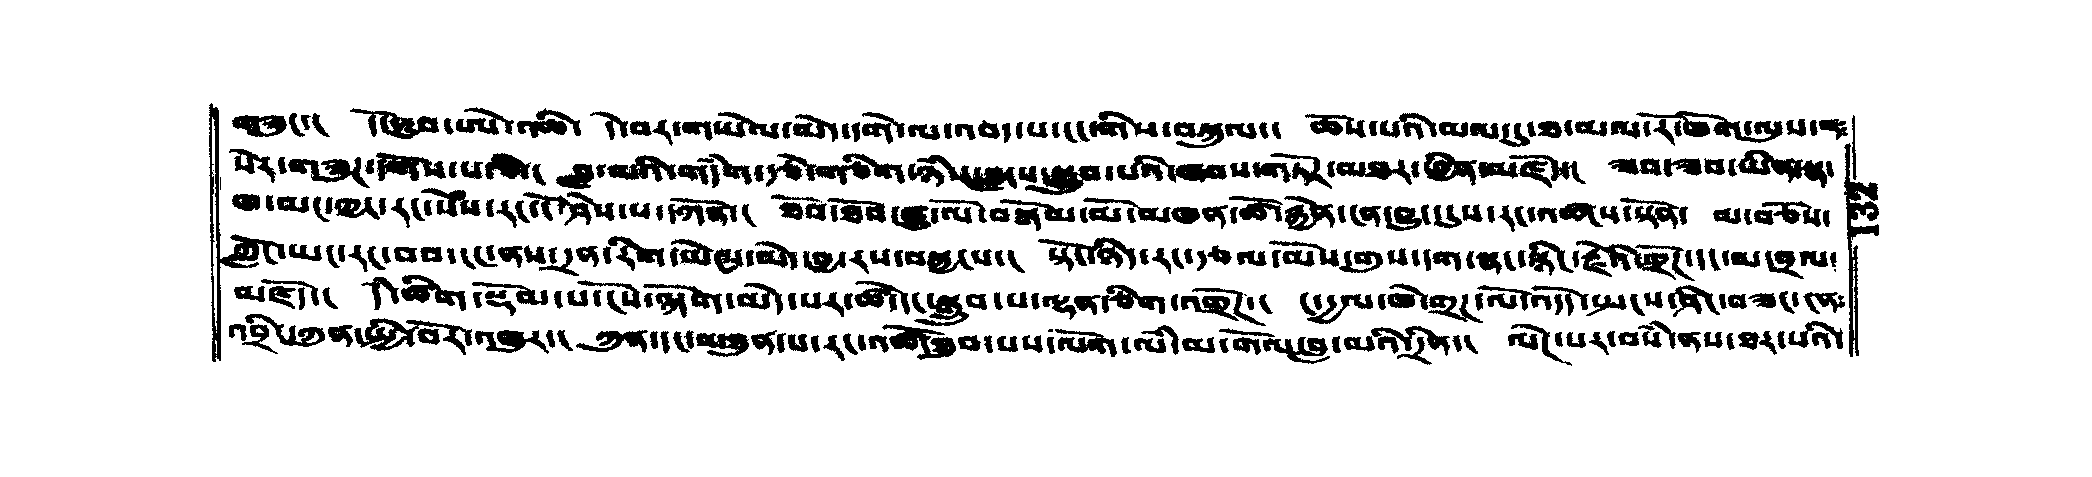ཟུངས། །དོ་ནུབ་ཨེ་འཆི་དེ་བར་གཡེལ་མེད་དགེ་ལ་འབད་པ་ངང་གིས་བསྐུལ། །ཆོས་པའི་མལ་དུ་ཐ་མལ་རོ་ཁོག་ལུསན
་སེར་གཟུགས་དགོས་པ་ཅི། །བླ་མའི་གདམས་ངག་རྩེ་གཅིག་ཉམས་བླངས་སྒྲུབ་པའི་ཞབས་གཏོག་མཐར་ཕྱིན་མཛོད། ཟབ་ཟབ་ཡིན་ཡིན་སྣ་
ཁ་མང་ཀྱང་རང་སེམས་རང་ངོ་ཤེས་པ་དཀོན། །ཐོབ་ཐོབ་ཞུ་ལོ་བསྒོམ་ལོ་མཁན་ཚོ་རྐྱེན་ངན་བྱུང་དུས་རང་མཚང་སྟོན། །མ་བཅོས་
ཀློང་ཡངས་རང་བབ་ངང་ནས་དྲན་རིག་ཡེངས་མེད་བྱ་རས་སྐྱོངས། །སྟོང་ཉིད་རང་རྩལ་མོས་གུས་དག་སྣང་སྙིང་རྗེའི་གྲོགས་དང་མ་བྲལ་
མཛོད། །དམ་ཚིག་སྡོམ་པ་ངོས་ལྐོག་མེད་པར་ཚེ་དང་སྒྲུབ་པ་ལྷན་ཅིག་འགྲོགས། །ང་རྒྱལ་ཁེ་གྲགས་ལོ་འདོད་སྤངས་ཤིང་བཟང་ངན་
འབྲིང་ཀུན་སྤྱི་བོར་འཁུར། །ཀུན་དང་མཐུན་པ་རང་འཚོ་ཐུབ་པའི་ལོག་ལམ་མ་གོལ་བླ་མའི་དྲིན། །ལེགས་པར་བསམ་ནས་ཐར་པའི་